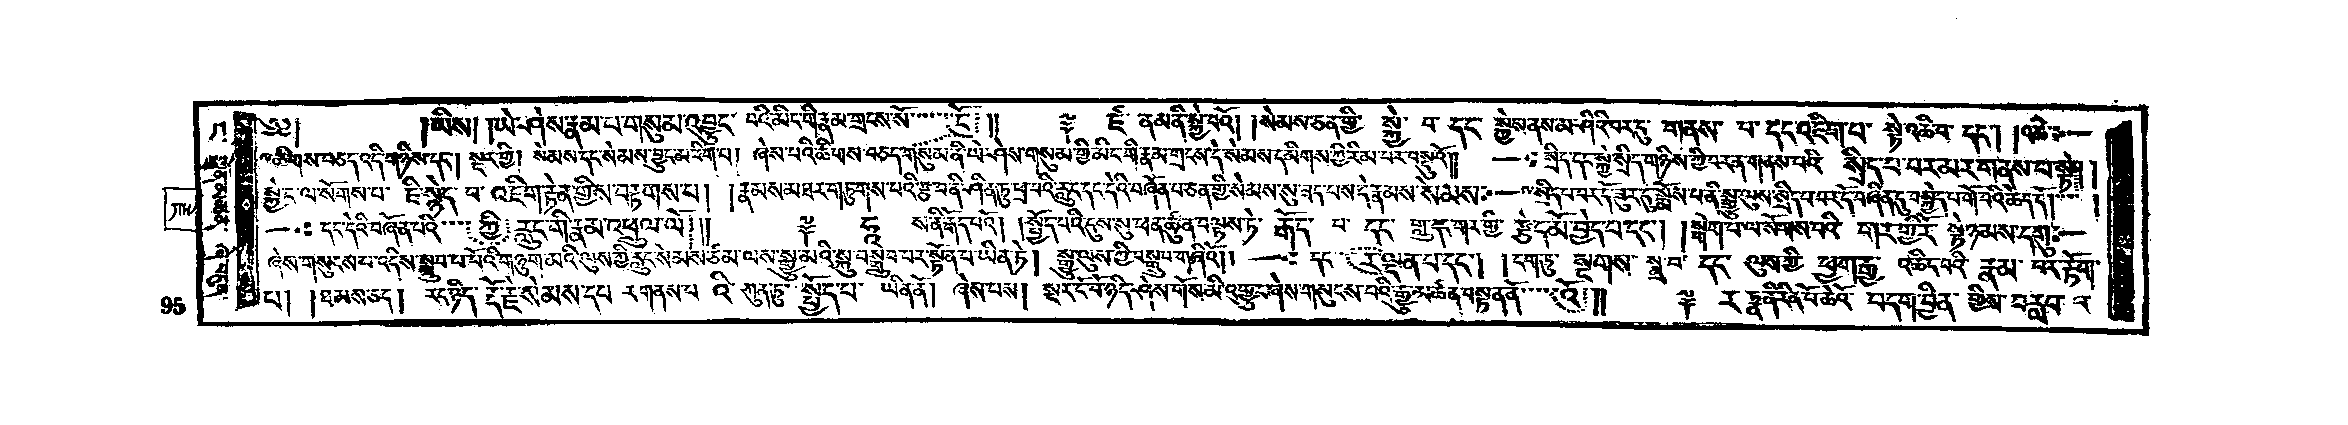༄༅། །ཡིས། །ཡེ་ཤེས་རྣམ་པ་གསུམ་འབྱུང་བའི་མིང་གི་རྣམ་གྲངས་སོ་ངོ།། ༈ ཛ་ན་མ་ནི་སྐྱེ་བའོ། །སེམས་ཅན་གྱི་སྐྱེ་བ་དང་སྐྱེས་ནས་མ་ཤིའི་བར་དུ་གནས་པ་དང་འཇིག་པ་སྟེ་འཆི་བ་དང་། །འཆི་H.
༧ཚིགས་བཅད་འདི་གཉིས་དང་། སྔར་གྱི། སེམས་དང་སེམས་བྱུང་མ་རིག་པ། ཞེས་པའི་ཚིགས་བཅད་གསུམ་ནི་ཡེ་ཤེས་གསུམ་གྱི་མིང་གི་རྣམ་གྲངས་དེ་སེམས་དམིགས་ཀྱི་རིམ་པར་བསྡུའོ།། H.་སྲིད་དང་སྐྱེ་སྲིད་གཉིས་ཀྱི་བར་ན་གནས་པའི་སྲིད་པ་བར་མར་གནས་པ་སྟེ།།
སྐྱེ་བ་ལ་སོགས་པ་ཇི་སྙེད་པ་འཇིག་རྟེན་གྱིས་བརྟགས་པ། །རྣམས་མཐར་གཏུགས་པའི་རྩ་བ་ནི་ཤིན་ཏུ་ཕྲ་བའི་རླུང་དང་དེའི་བཞོན་པ་ཅན་གྱི་སེམས་སུ་ཟད་པས་དེ་རྣམས་སེམས་H.་༈ སྲིད་པ་བར་དོ་ཟུར་དུ་སྨོས་པ་ནི་སྒྱུ་ལུས་སྲིད་པ་བར་དོ་བཞིན་དུ་བསྐྱེད་པ་གོ་བའི་ཆེད་དོ།།
H.་དང་དེའི་བཞོན་པའི་ཀྱི་རླུང་གི་རྣམ་འཕྲུལ་ལོ།། ༈ ཧཱ་ས་ནི་རྒོད་པའོ། །སྤྱོད་པའི་དུས་སུ་ཕན་ཚུན་བལྟས་ཏེ་རྒོད་པ་དང་གླུ་དང་གར་གྱི་རྩེད་མོ་བྱེད་པ་དང་། །སྒོག་པ་ལ་སོགས་པའི་གར་གྱི་རོ་སྟེ་ཉམས་དགུ་H.
ཞེས་གསུངས་པ་འདིས་སྒྲུབ་པ་པོའི་གཉུག་མའི་ལུས་ཀྱི་རླུང་སེམས་ཙམ་ལས་སྒྱུ་མའི་སྐུ་བསྒྲུབ་པར་སྟོན་པ་ཡིན་ཏེ། སྒྱུ་ལུས་ཀྱི་བསྒྲུབ་གཞིའོ།། H.་དང་ར་ལྡན་པ་དང་། །ངག་ཏུ་སྔགས་སྨྲ་བ་དང་ལུས་ཀྱི་ཕྱག་རྒྱ་འཆིང་བའི་རྣམ་པར་རྟོག་
པ། །ཐམས་ཅད། རང་ཉིད་རྡོ་རྗེ་སེམས་དཔར་གནས་པའི་ཀུན་ཏུ་སྤྱོད་པ་ཡིན་ནོ། ཞེས་པས། སྔར་ངོ་བོ་ཉིད་ཤེས་གོས་མི་འགྱུར་ཞེས་གསུངས་པའི་རྒྱུ་མཚན་བསྟན་ནོ་འོ།། ༈ རཏྣ་ནི་རིན་པོ་ཆེའོ་བདག་བྱིན་གྱིས་བརླབ་པ་